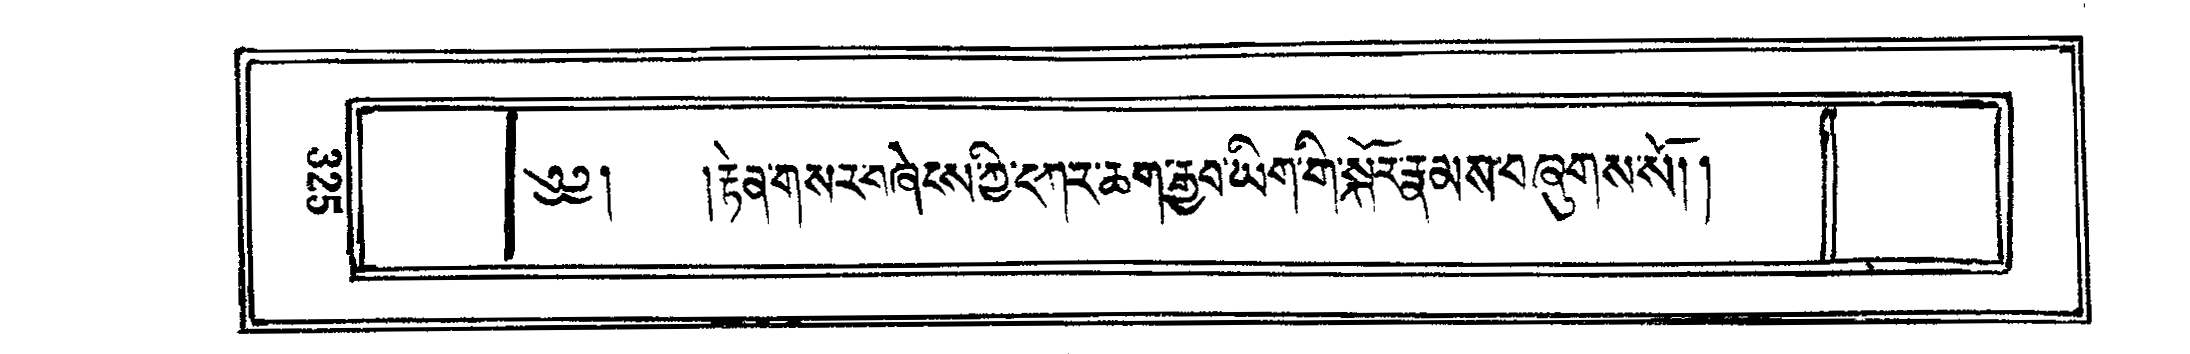༄༅། །རྟེན་གསར་བཞེངས་ཀྱི་དཀར་ཆག་རྒྱབ་ཡིག་གི་སྐོར་རྣམས་བཞུགས་སོ། །